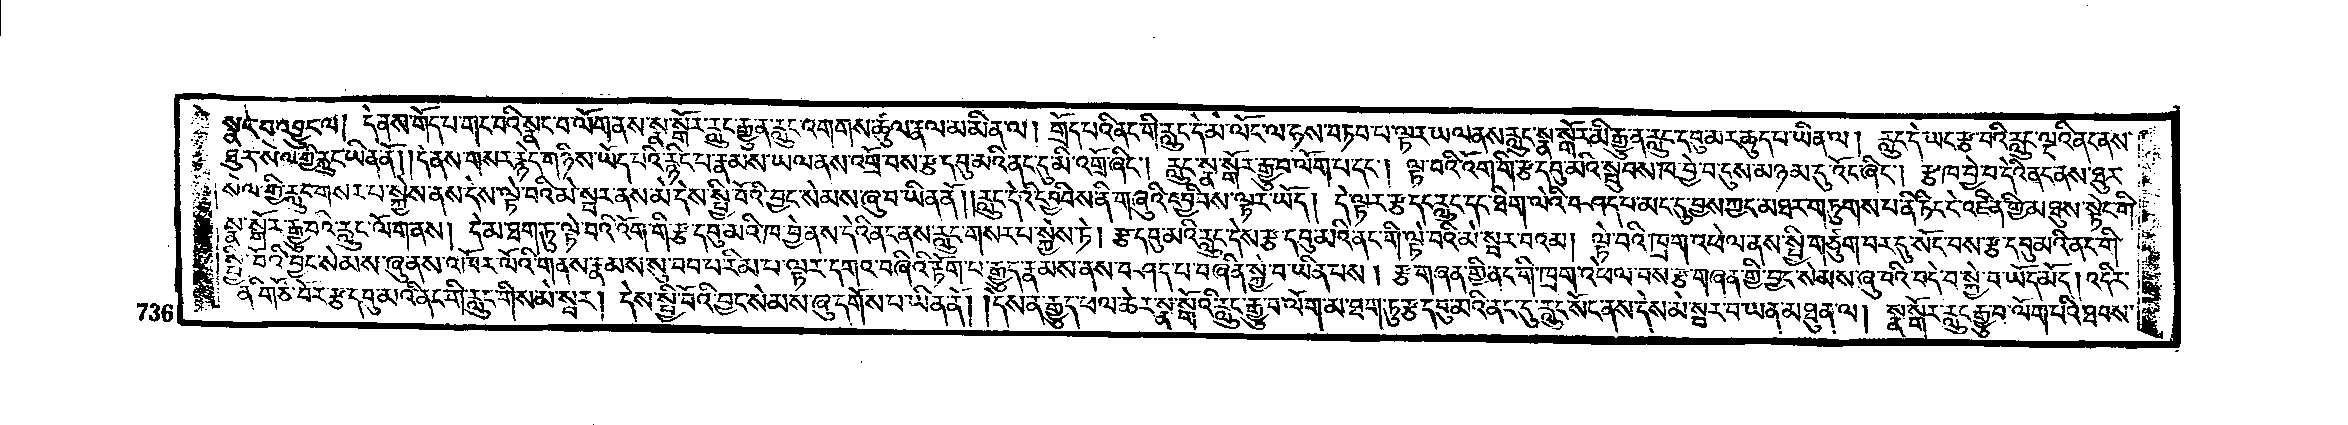སྣང་བ་འབྱུང་ལ། དེ་ནས་གྲོད་པ་གང་བའི་སྣང་བ་ལོག་ནས་སྣ་སྒོར་རླུང་རྒྱུ་ན་རླུང་འགགས་ཚུལ་རྣལ་མ་མིན་ལ། གྲོད་པའི་ནང་གི་རླུང་དེ་མེ་ལོང་ལ་ཧས་བཏབ་པ་ལྟར་ཡལ་ནས་རླུང་སྣེ་སྒེར་མི་རྒྱུ་ན་རླུང་དབུ་མར་ཆུད་པ་ཡིན་ལ། རླུང་དེ་ཡང་རྩ་བའི་རླུང་ལྔའི་ནང་ནས་
ཐུར་སེལ་གྱི་རླུང་ཡིན་ནོ། །དེ་ནས་གསར་རྙིང་གཉིས་ཡོད་པའི་རྙིང་པ་རྣམས་ཡལ་ནས་འགྲོ་བས་རྩ་དབུ་མའི་ནང་དུ་མི་འགྲོ་ཞིང་། རླུང་སྣ་སྒོར་རྒྱུ་བ་ལོག་པ་དང་། ལྟ་བའི་འོག་གི་རྩ་དབུ་མའི་སྦུབས་ཁ་བྱེ་བ་དུས་མཉམ་དུ་འོང་ཞིང་། རྩ་ཁ་བྱེ་བ་དེའི་ནང་ནས་ཐུར་
སེལ་གྱི་རླུང་གསར་པ་སྐྱེས་ནས་དེས་ལྟེ་བའི་མེ་སྦར་ནས་མེ་དེས་སྤྱི་བོའི་བྱང་སེམས་ཞུ་བ་ཡིན་ནོ། །རླུང་དེའི་དབྱིབས་ནི་གཞུའི་དབྱིབས་ལྟར་ཡོད། དེ་ལྟར་རྩ་དང་རླུང་དང་ཐིག་ལེའི་བཤད་པ་མང་དུ་བྱས་ཀྱང་མཐར་གཏུགས་པ་ནི་ཏིང་ངེ་འཛིན་གྱི་མཐུས་སྟེང་གི་
སྣ་སྒོར་རྒྱུ་བའི་རླུང་ལོག་ནས། དེ་མ་ཐག་ཏུ་ལྟེ་བའི་འོག་གི་རྩ་དབུ་མའི་ཁ་བྱེ་ནས་དེའི་ནང་ནས་རླུང་གསར་པ་སྐྱེས་ཏེ། རྩ་དབུ་མའི་རླུང་དེས་རྩ་དབུ་མའི་ནང་གི་ལྟེ་བའི་མེ་སྦར་བའམ། ལྟེ་བའི་ཁྲག་འཕེལ་ནས་སྤྱི་གཙུག་བར་དུ་སོང་བས་རྩ་དབུ་མའི་ནང་གི་
སྤྱི་བོའི་བྱང་སེམས་ཞུ་ནས་འཁོར་ལོའི་གནས་རྣམས་སུ་བབ་པ་རིམ་པ་ལྟར་དགའ་བཞིའི་རྟོག་པ་རྒྱུད་རྣམས་ནས་བཤད་པ་བཞིན་སྐྱེ་བ་ཡིན་པས། རྩ་གཞན་གྱི་ནང་གི་ཁྲག་འཕེལ་བས་རྩ་གཞན་གྱི་བྱང་སེམས་ཞུ་བའི་བདེ་བ་སྐྱེ་བ་ཡོད་མོད། འདིར་
ནི་གཙོ་བོར་རྩ་དབུ་མའི་ནང་གི་རླུང་གིས་མེ་སྦར། དེས་སྤྱི་བོའི་བྱང་སེམས་ཞུ་དགོས་པ་ཡིན་ནོ། །དེས་ན་རྒྱུད་ཕལ་ཆེར་སྣ་སྒོའི་རླུང་རྒྱུ་བ་ལོག་མ་ཐག་ཏུ་རྩ་དབུ་མའི་ནང་དུ་རླུང་སོང་ནས་དེས་མེ་སྦར་བ་ཡན་མཐུན་ལ། སྣ་སྒོར་རླུང་རྒྱུ་བ་ལོག་པའི་ཐབས་